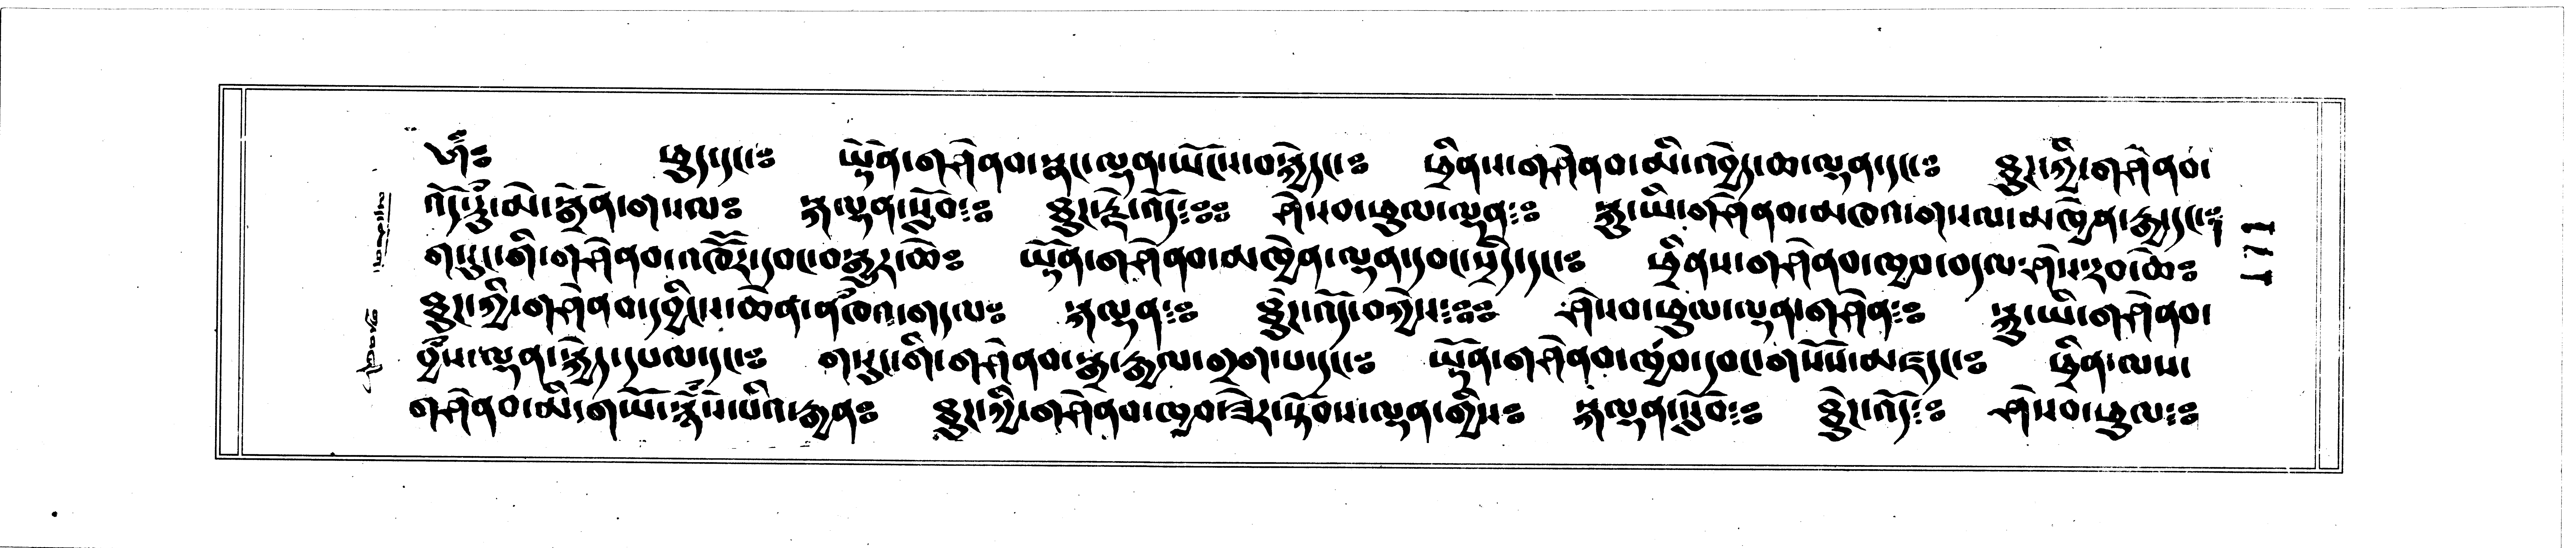ཕུད་དངཿ ཡོན་ཏན་གཤེན་རབ་སྣང་ལྡན་ཡོངས་སྐྱེད་དངཿ ཕྲིན་ལས་གཤེན་རབ་མི་འབྱེད་ཆ་ལྡན་དངཿ ཐུགས་ཀྱི་གཤེན་རབ་
འོད་རུམ་མེ་སྒྲོན་གསལཿ སྐལ་ལྡན་སློབ་མ་རྣམས་ལ་དབང་བསྐུར་བསཿ ཐུགས་རྗེ་འོད་བཀྱེས་འགྲོ་འདྲེན་དབང་ཐོབ་ཤོགཿ ཤེས་རབ་ཕུལ་ལྡན་གཤེན་རབ་འོད་ཟེར་ལསཿ སྐུ་ཡི་གཤེན་རབ་མཁའ་གསལ་མཁྱེན་རྒྱས་དངཿ 
གསུང་གི་གཤེན་རབ་འཁོར་ལོ་དབང་སྒྱུར་དངཿ ཡོན་ཏན་གཤེན་རབ་མཁྱེན་ལྡན་དབང་སྲིད་དངཿ ཕྲིན་ལས་གཤེན་རབ་ཁྱབ་བདལ་ཤེས་རབ་ཆེཿ 
ཐུགས་ཀྱི་གཤེན་རབ་དབྱིངས་ཆེན་ནམ་མཁའ་བདལཿ སྐལ་ལྡན་སློབ་མ་རྣམས་ལ་དབང་བསྐུར་བསཿ ཐུགས་རྗེ་འོད་བཀྱེས་འགྲོ་འདྲེན་དབང་ཐོབ་ཤོགཿ ཤེས་རབ་ཕུལ་ལྡན་གཤེན་རབ་འོད་ཟེར་ལསཿསྐུ་ཡི་གཤེན་རབ་
བྱམས་ལྡན་སྐྱེད་དཔལ་དངཿ གསུང་གི་གཤེན་རབ་སྒྲ་རྒྱལ་གྲགས་པ་དངཿ ཡོན་ཏན་གྱི་གཤེན་རབ་ཁྱབ་དབང་གསོས་མཛད་དངཿ ཕྲིན་ལས་
གཤེན་རབ་མི་གཡོ་སྙོམས་པའི་རྒྱནཿ ཐུགས་ཀྱི་གཤེན་རབ་ཁྱབ་ཟེར་སྟོབས་ལྡན་གྱིསཿ སྐལ་ལྡན་སློབ་མ་རྣམས་ལ་དབང་བསྐུར་བསཿ ཐུགས་རྗེ་འོད་བཀྱེས་འགྲོ་འདྲེན་དབང་ཐོབ་ཤོགཿ ཤེས་རབ་ཕུལ་ལྡན་གཤེན་རབ་འོད་ཟེར་ལསཿ